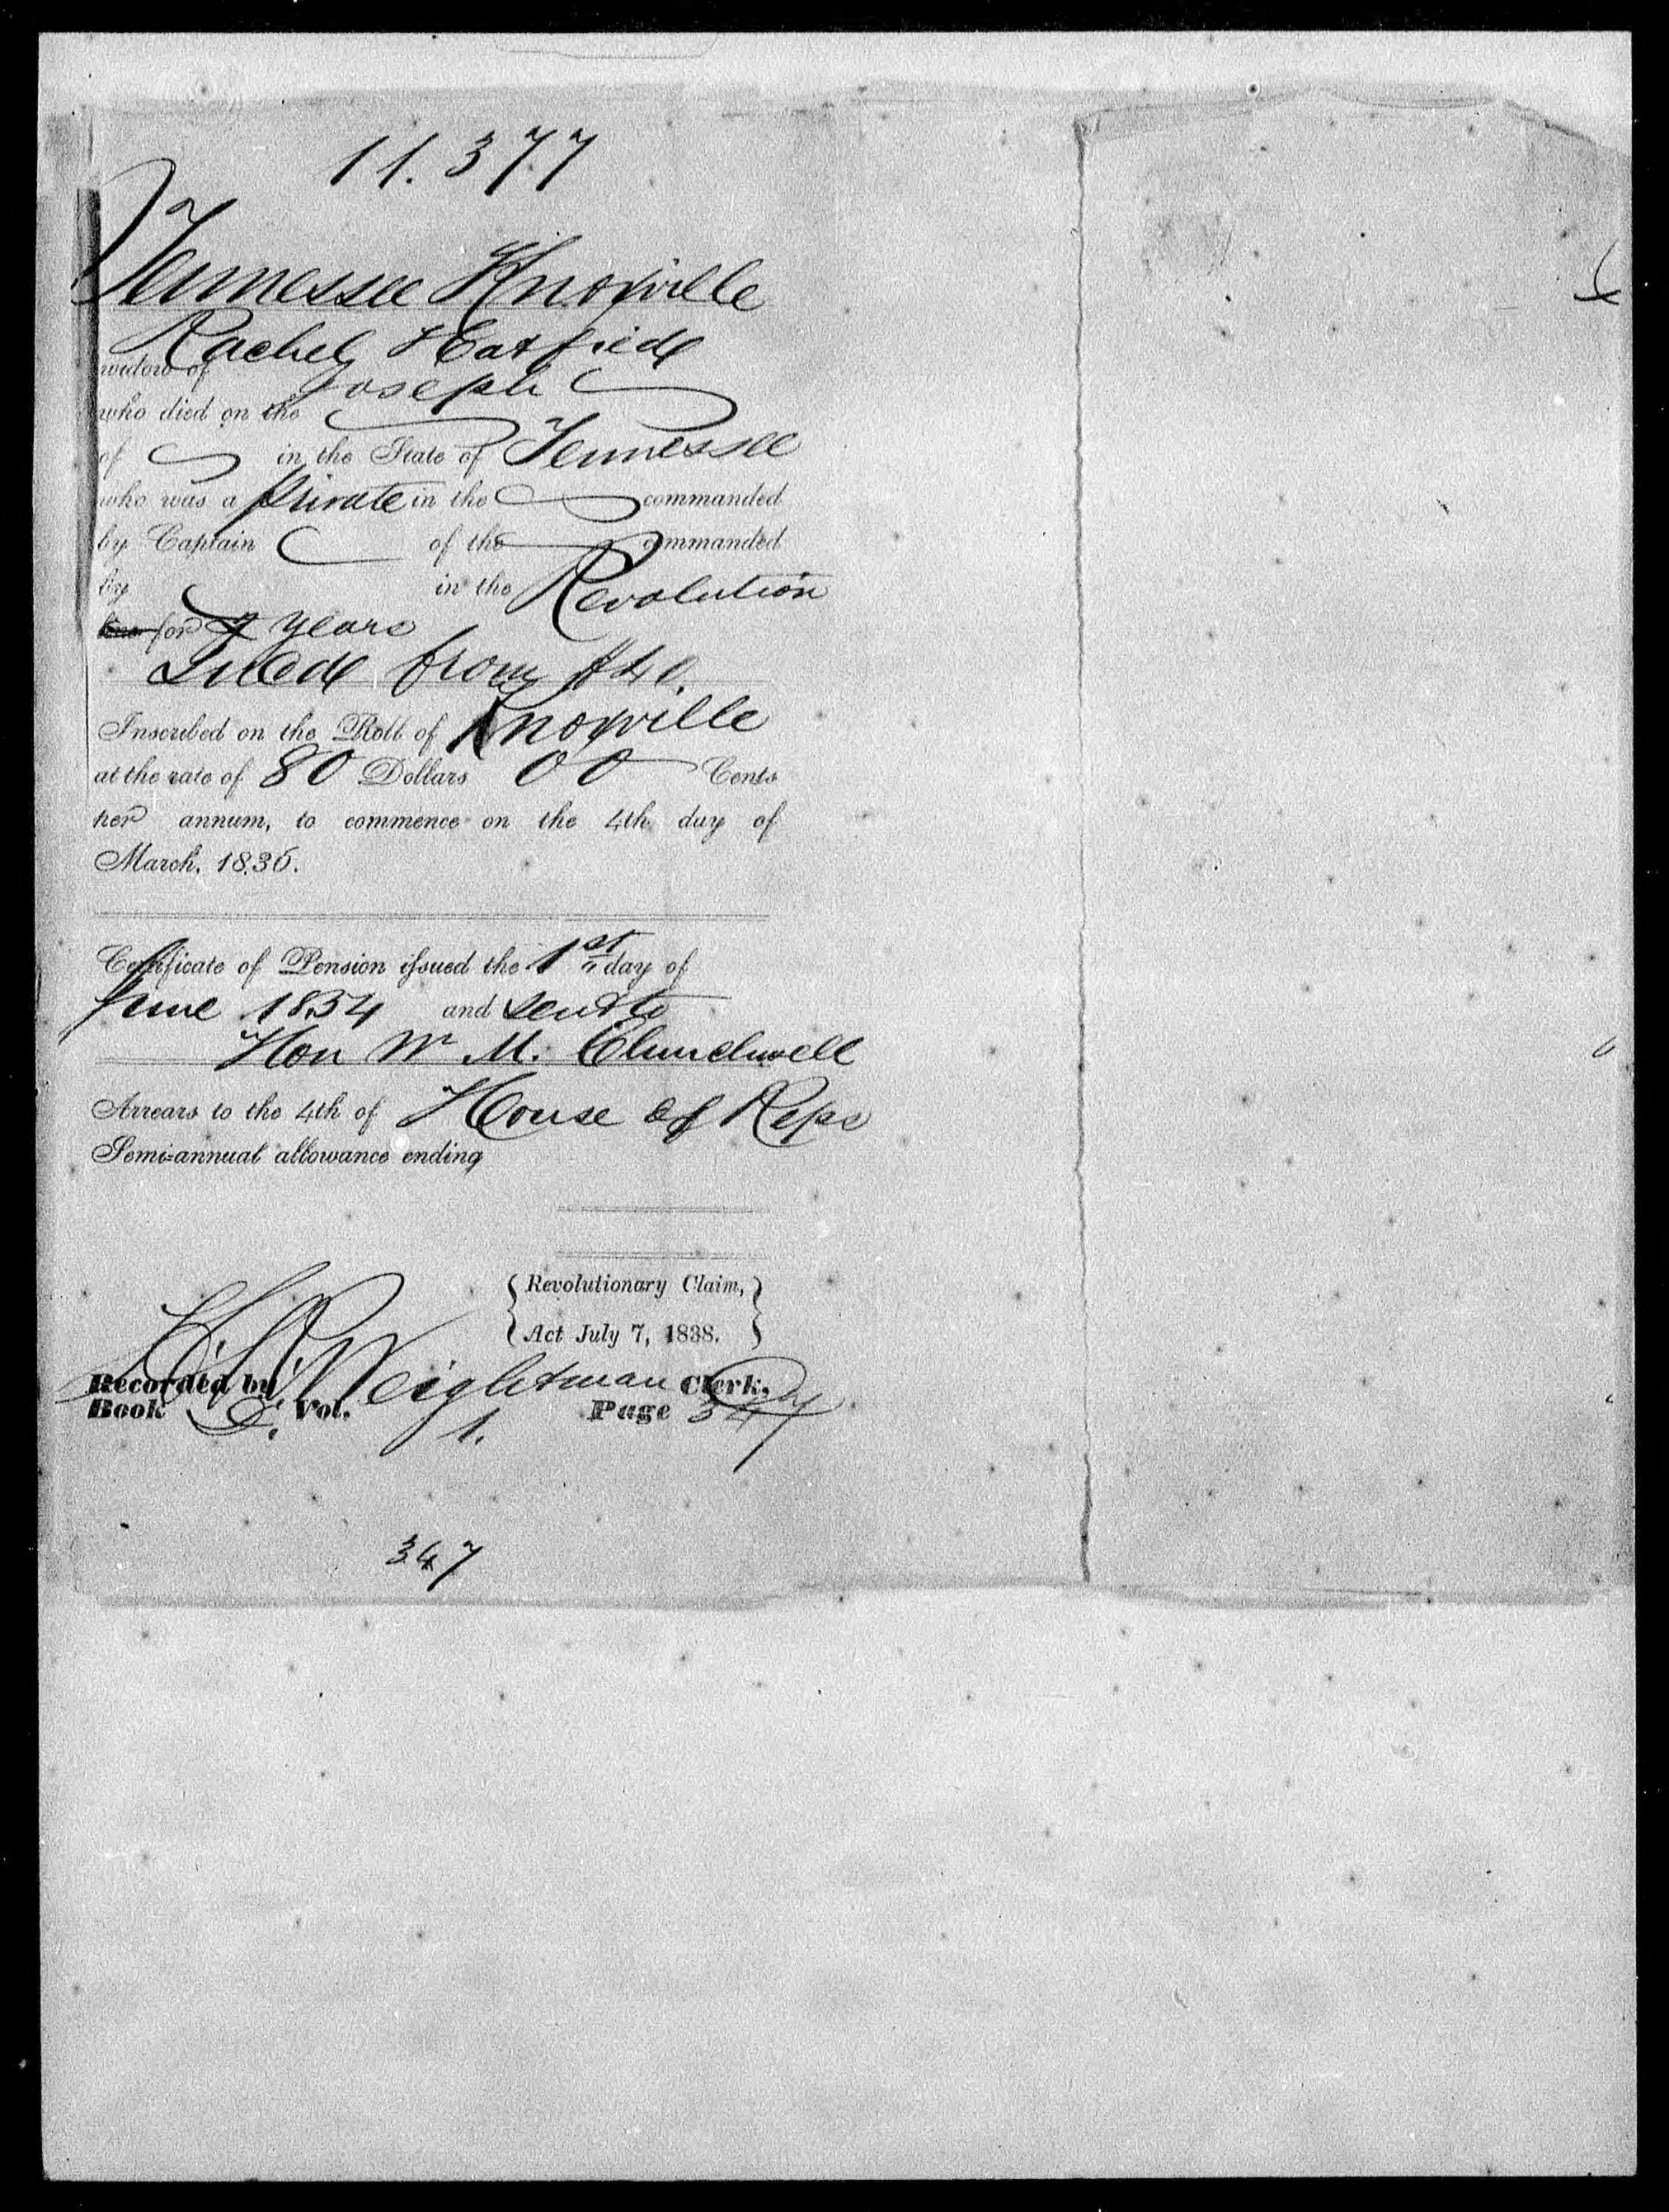11,377
Tennessee Knoxville
Rachel Hatfield
widow of Joseph who died on the --- of --- in the state of Tennessee who was a private in the --- commanded by Captain --- of the --- commanded by --- in the Revolution for 2 years
Incd from $40

Inscribed on the Roll of Knoxville at the rate of 80 Dollars 00 Cents per annum, to commence on the 4th day of March, 1836.

Certificate of Pension issued the 1st day of June 1854 and sent to Hon. W. M. Churchwell House of Reps

Arrears to the 4th of 
Semi=annual allowance ending

Revolutionary Claim, Act July 7, 1838

Recorded by H. R. Weightman Clerk
Book D,  Vol. 1  Page 347

347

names: Rachel Hatfield, Joseph Hatfield, H R Weightman, W M Churchwell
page: 20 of 74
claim: widow's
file: W. 5, Joseph Hatfield, Va.